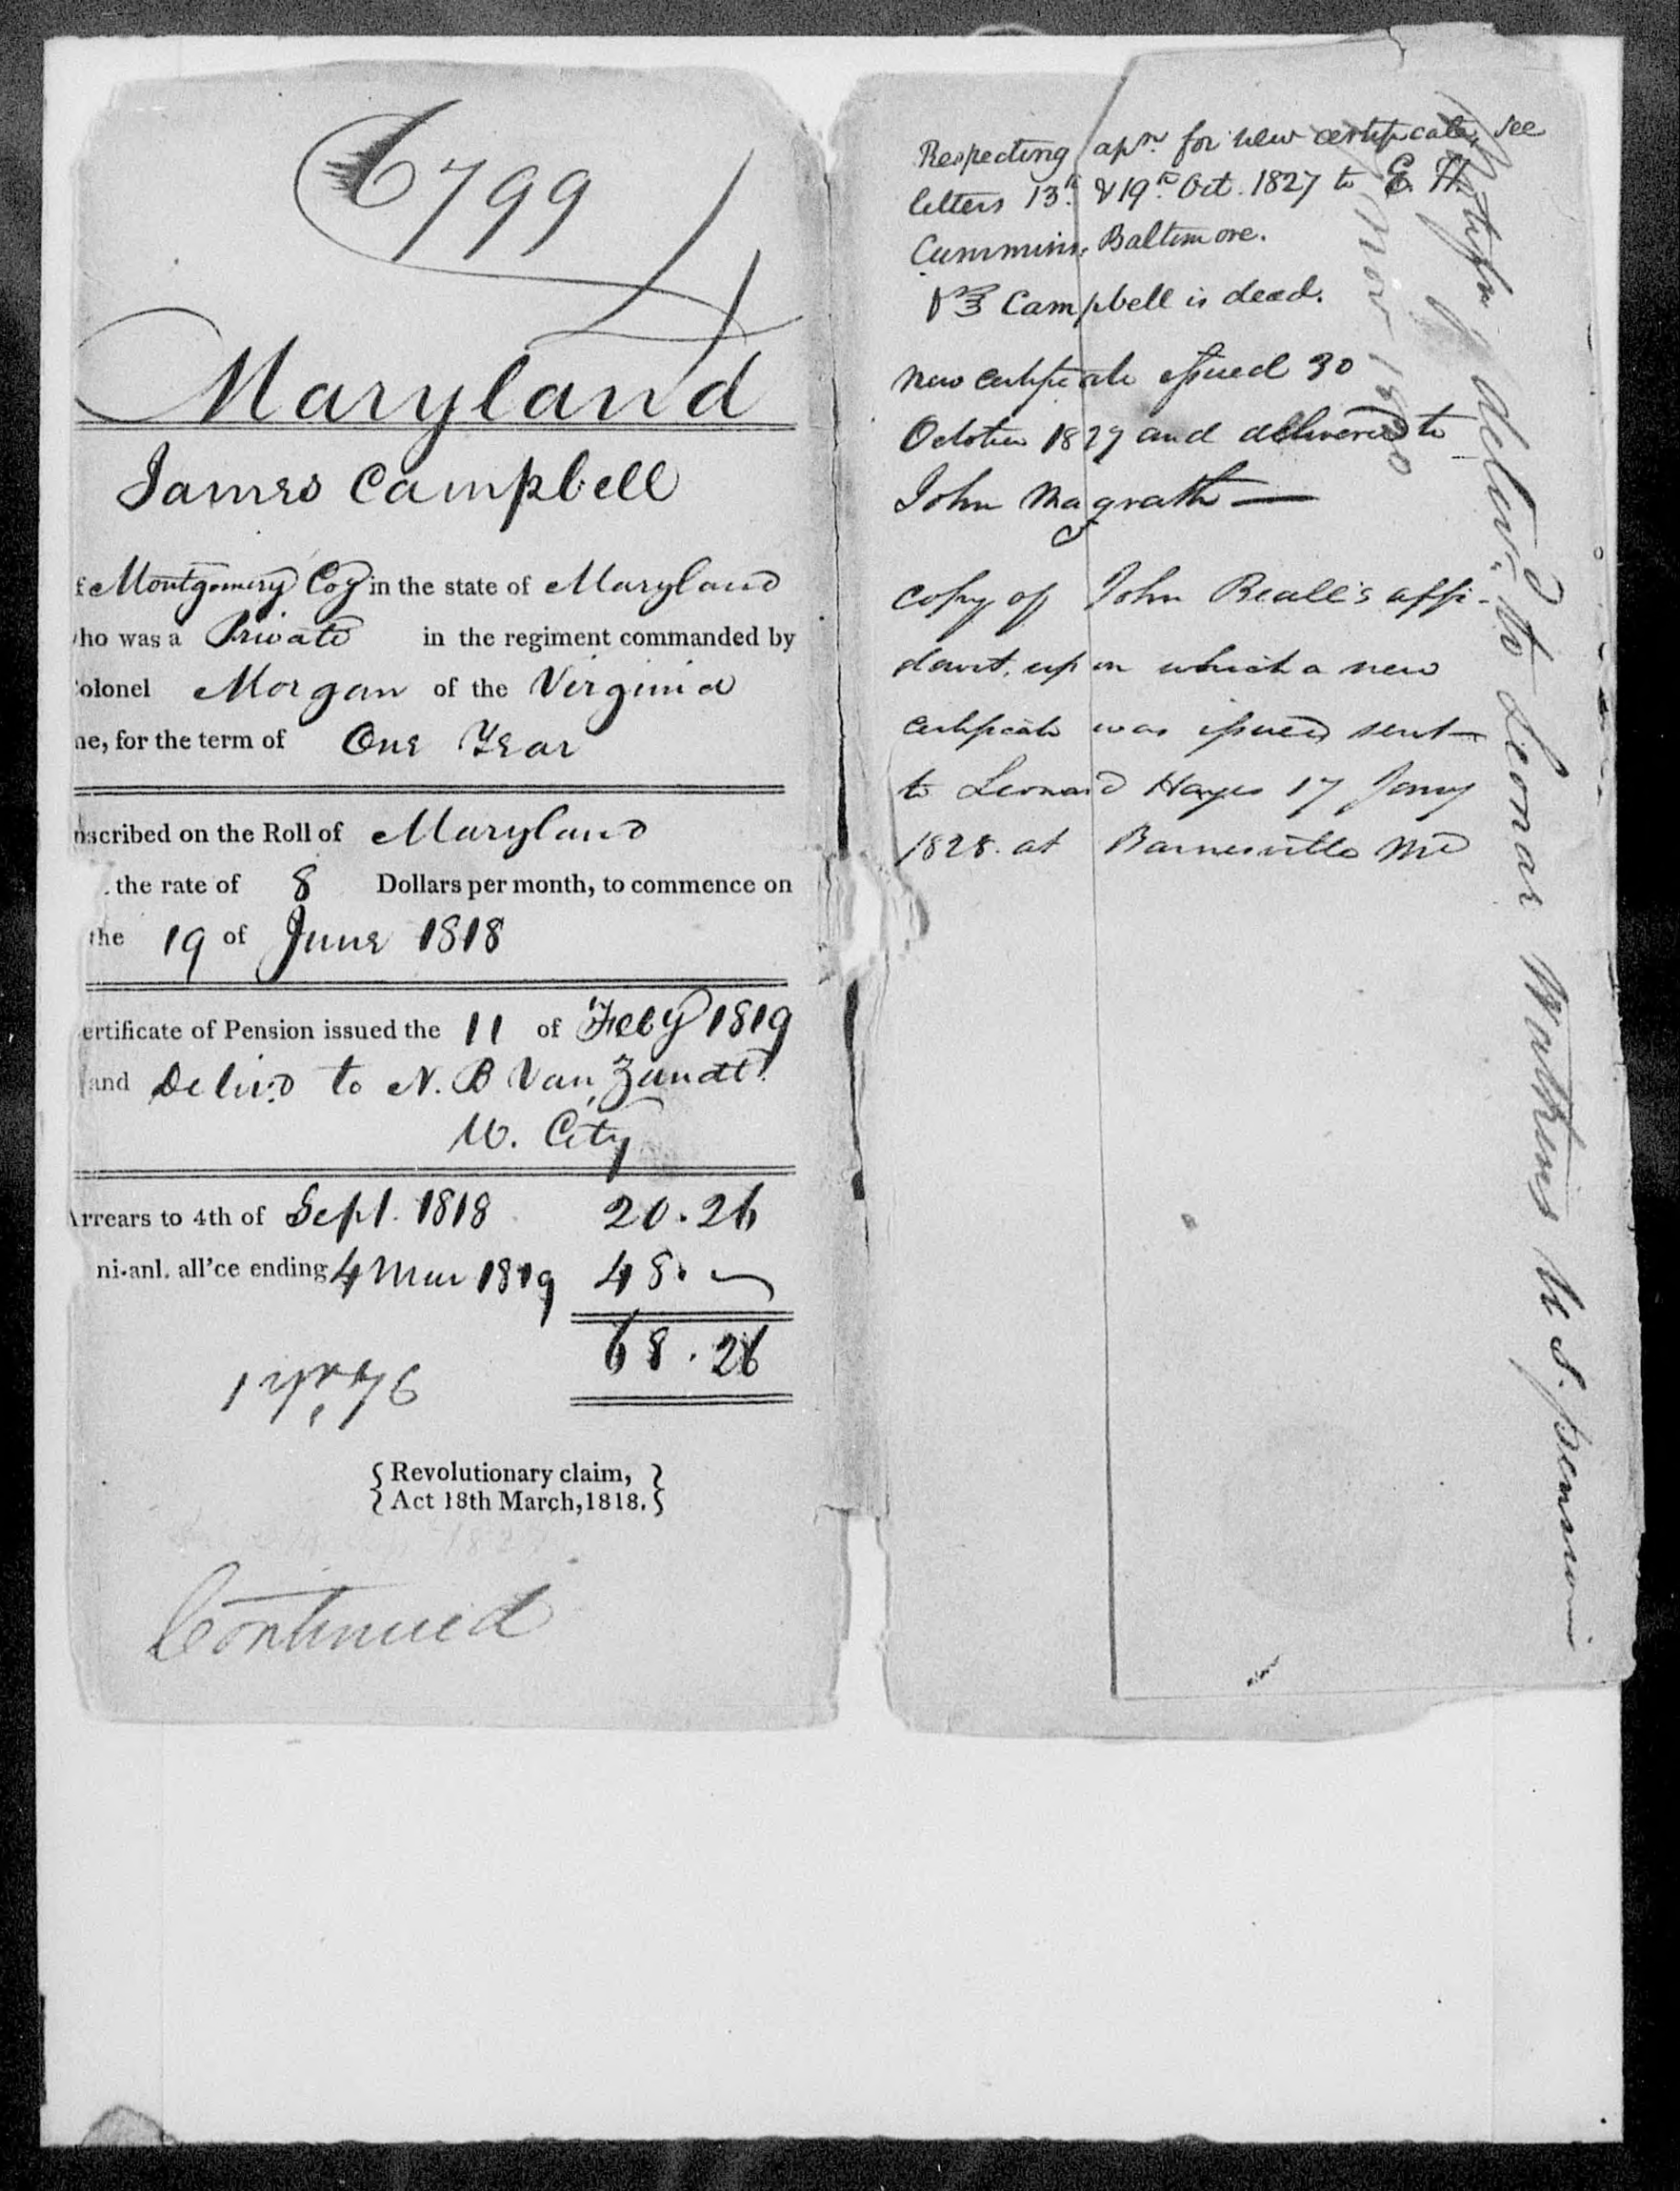6799
Maryland
James Campbell

Montgomery Coy in the State of Maryland who was a Private in the regiment commanded by Colonel Morgan of the Virginia [illeg.] , for the term of one year

Inscribed on the Roll of Maryland [illeg.] the rate of 8 Dollars per month, to commence on the 19 of June 1818

Certificate of Pension issued the 11 of Feb 1818 and delivered to N.B. Van Zandt M. City

Arrears to 4th of Sept. 1818
ni-and. all’ce ending 4 Mar 1819

20.26
48.-
68.26

1776
Revolutionary claim,
Act 18th March, 1818.

Continued

Respecting apn for new certificate, see letters 13th and 19th Oct. 1827 to E.H. Cummins, Baltimore.
Campbell is dead.
New certificate issued 90
October 1829 and adhered to John Magrath-
Copy of John Beall’s affidavit, upon which a new certificate was issued sent to Leonard Hayes 17 Jany 1828 at Barnesville Md

Notifn deliverd to Leonar Watkins US. Pension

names: Morgan, N B Van Zandt, James Campbell, John Magrath, D B Campbell, John Beall, Leonar Watkins, E H Cummins, Leonard Hayes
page: 2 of 47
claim: widow's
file: W. 25384, James Campbell, Va.